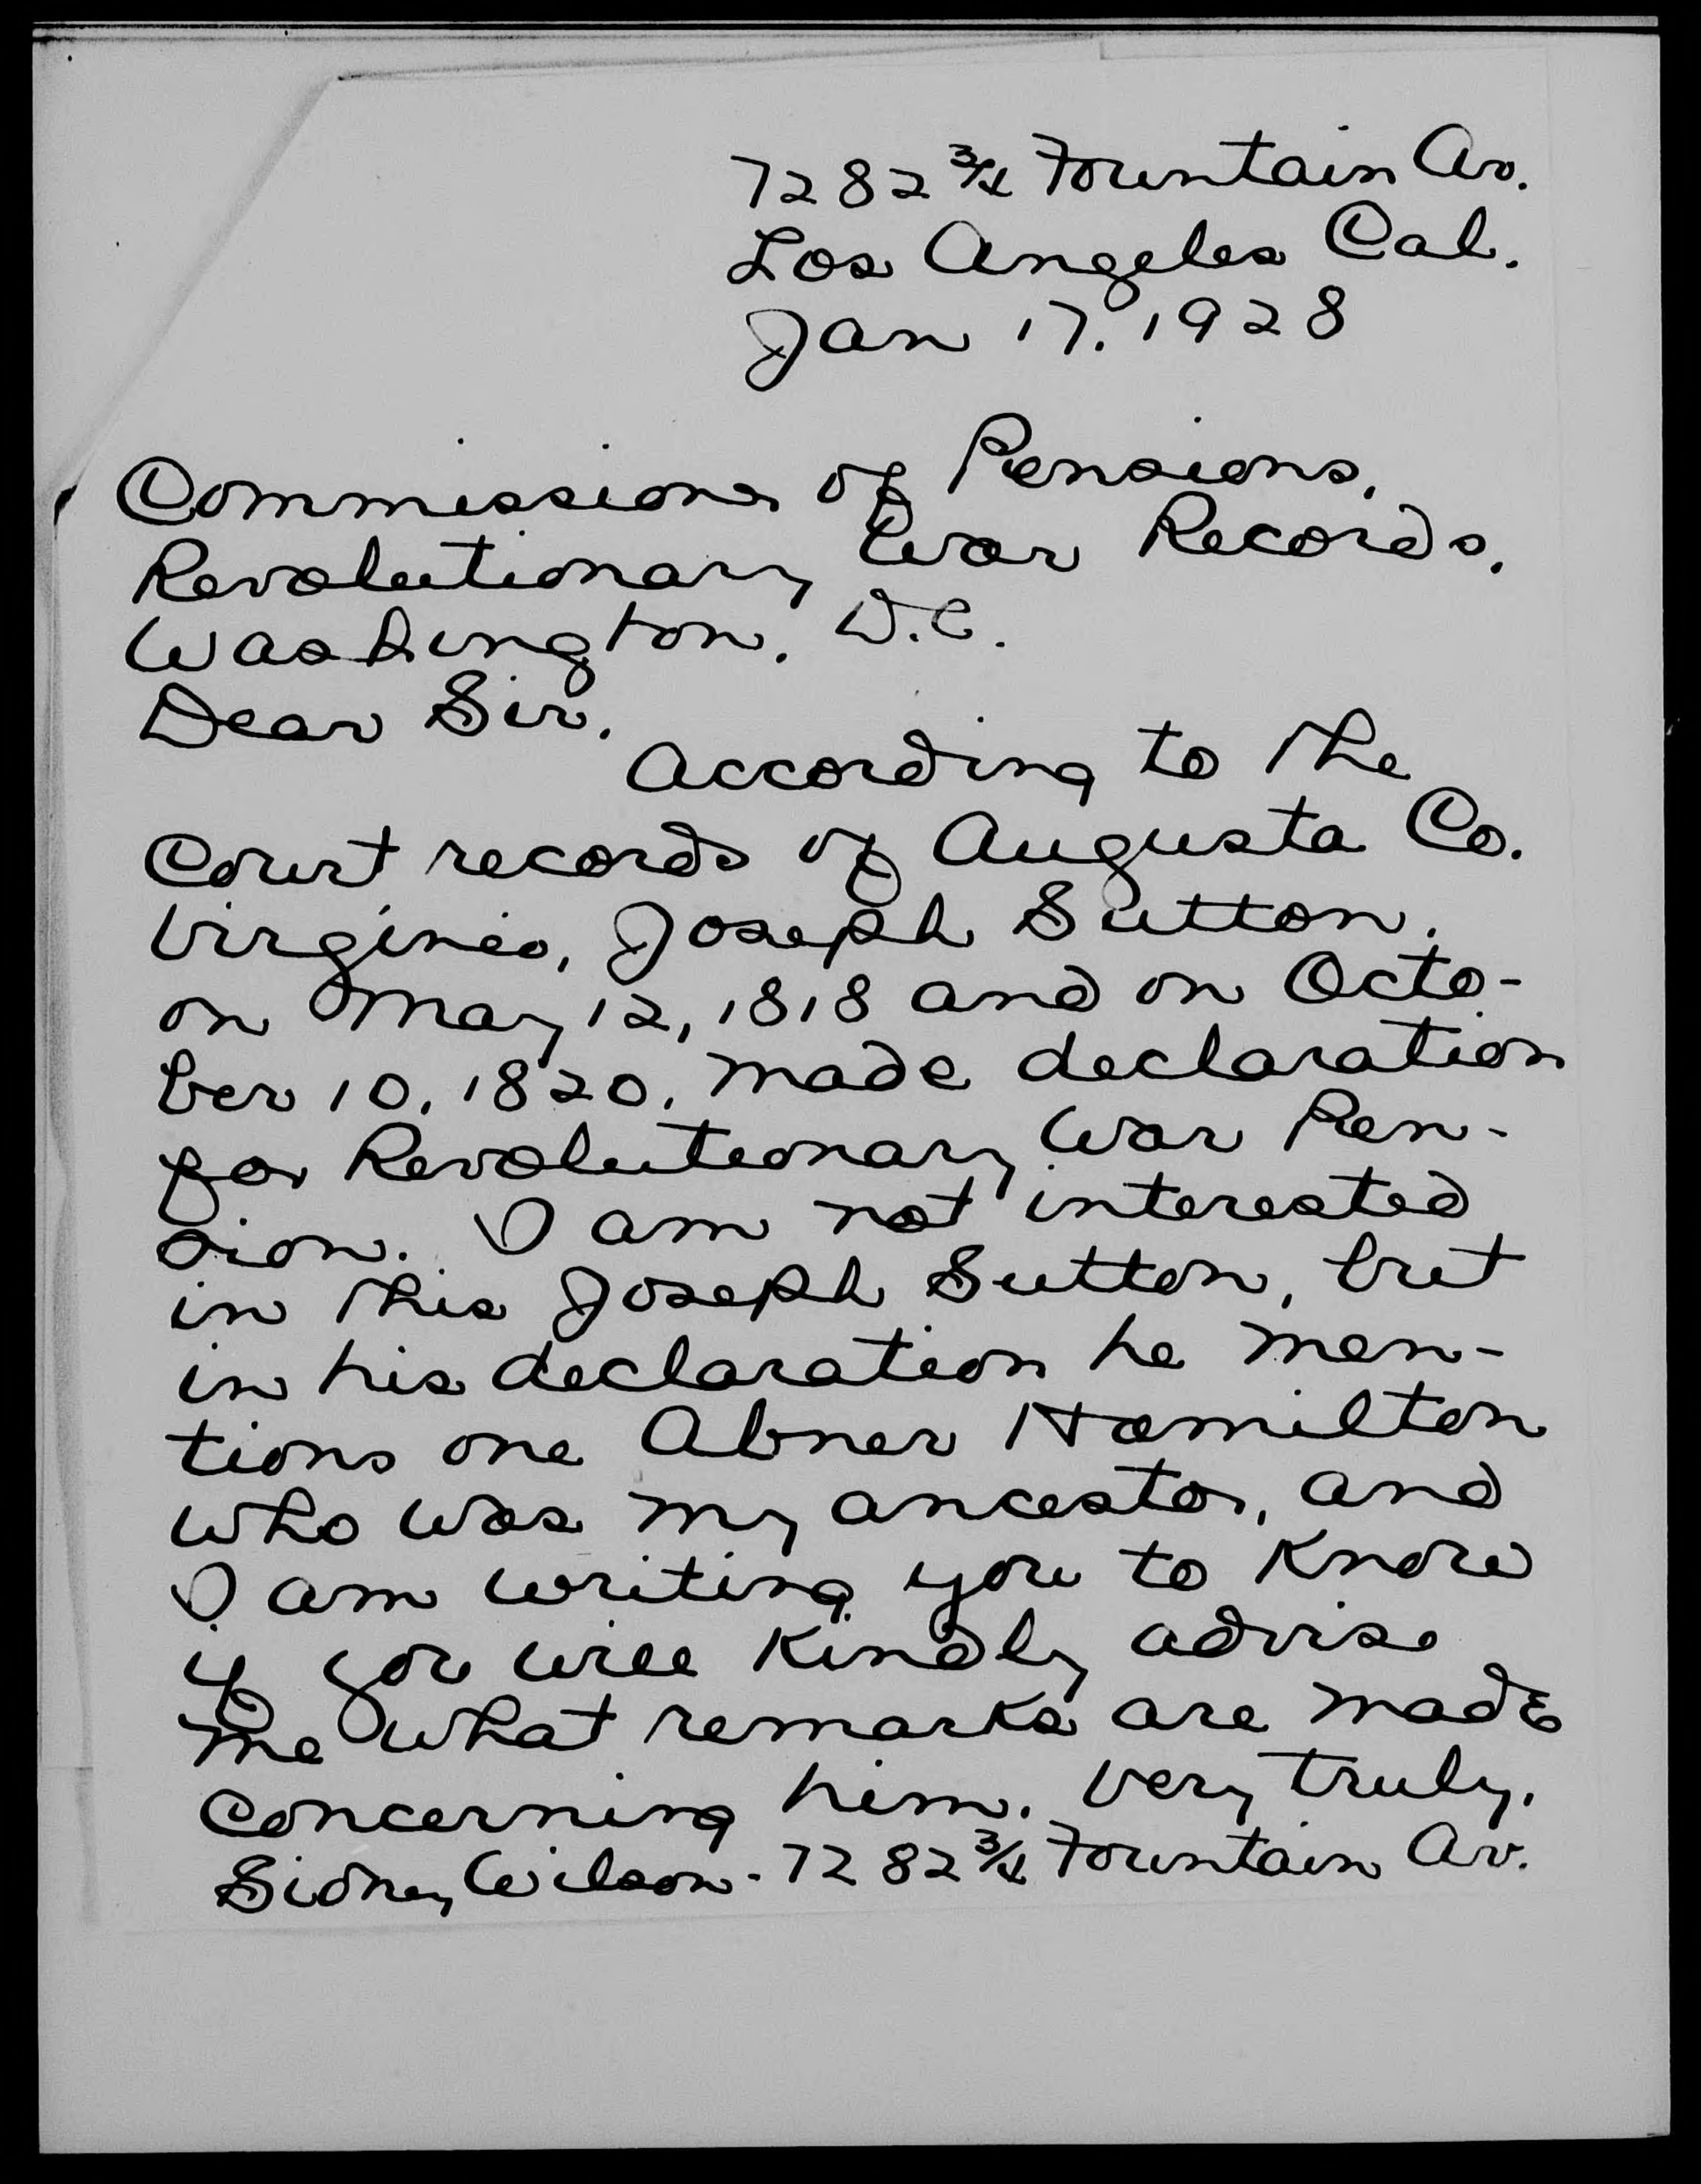7282 3/4 Fountain Ave.
Los Angeles California
January 17, 1928

Commissioner of Pensions
Revolutionary War Records
Washington D.C.

Dear Sir,

According to the court records of Augusta County Virginia Joseph Sutton on May 12, 1818 and on October 10 1820 Made declaration he mentions one Abner Hamilton who was my ancestor and I am writing you to know if you will kindly advise me what remarks are made concerning him.
Very truly,
Sidney Wilson
7282 3/4 Fountain Ave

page: 20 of 21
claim: survivor's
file: S. 41223, for Joseph Sutton, Virginia